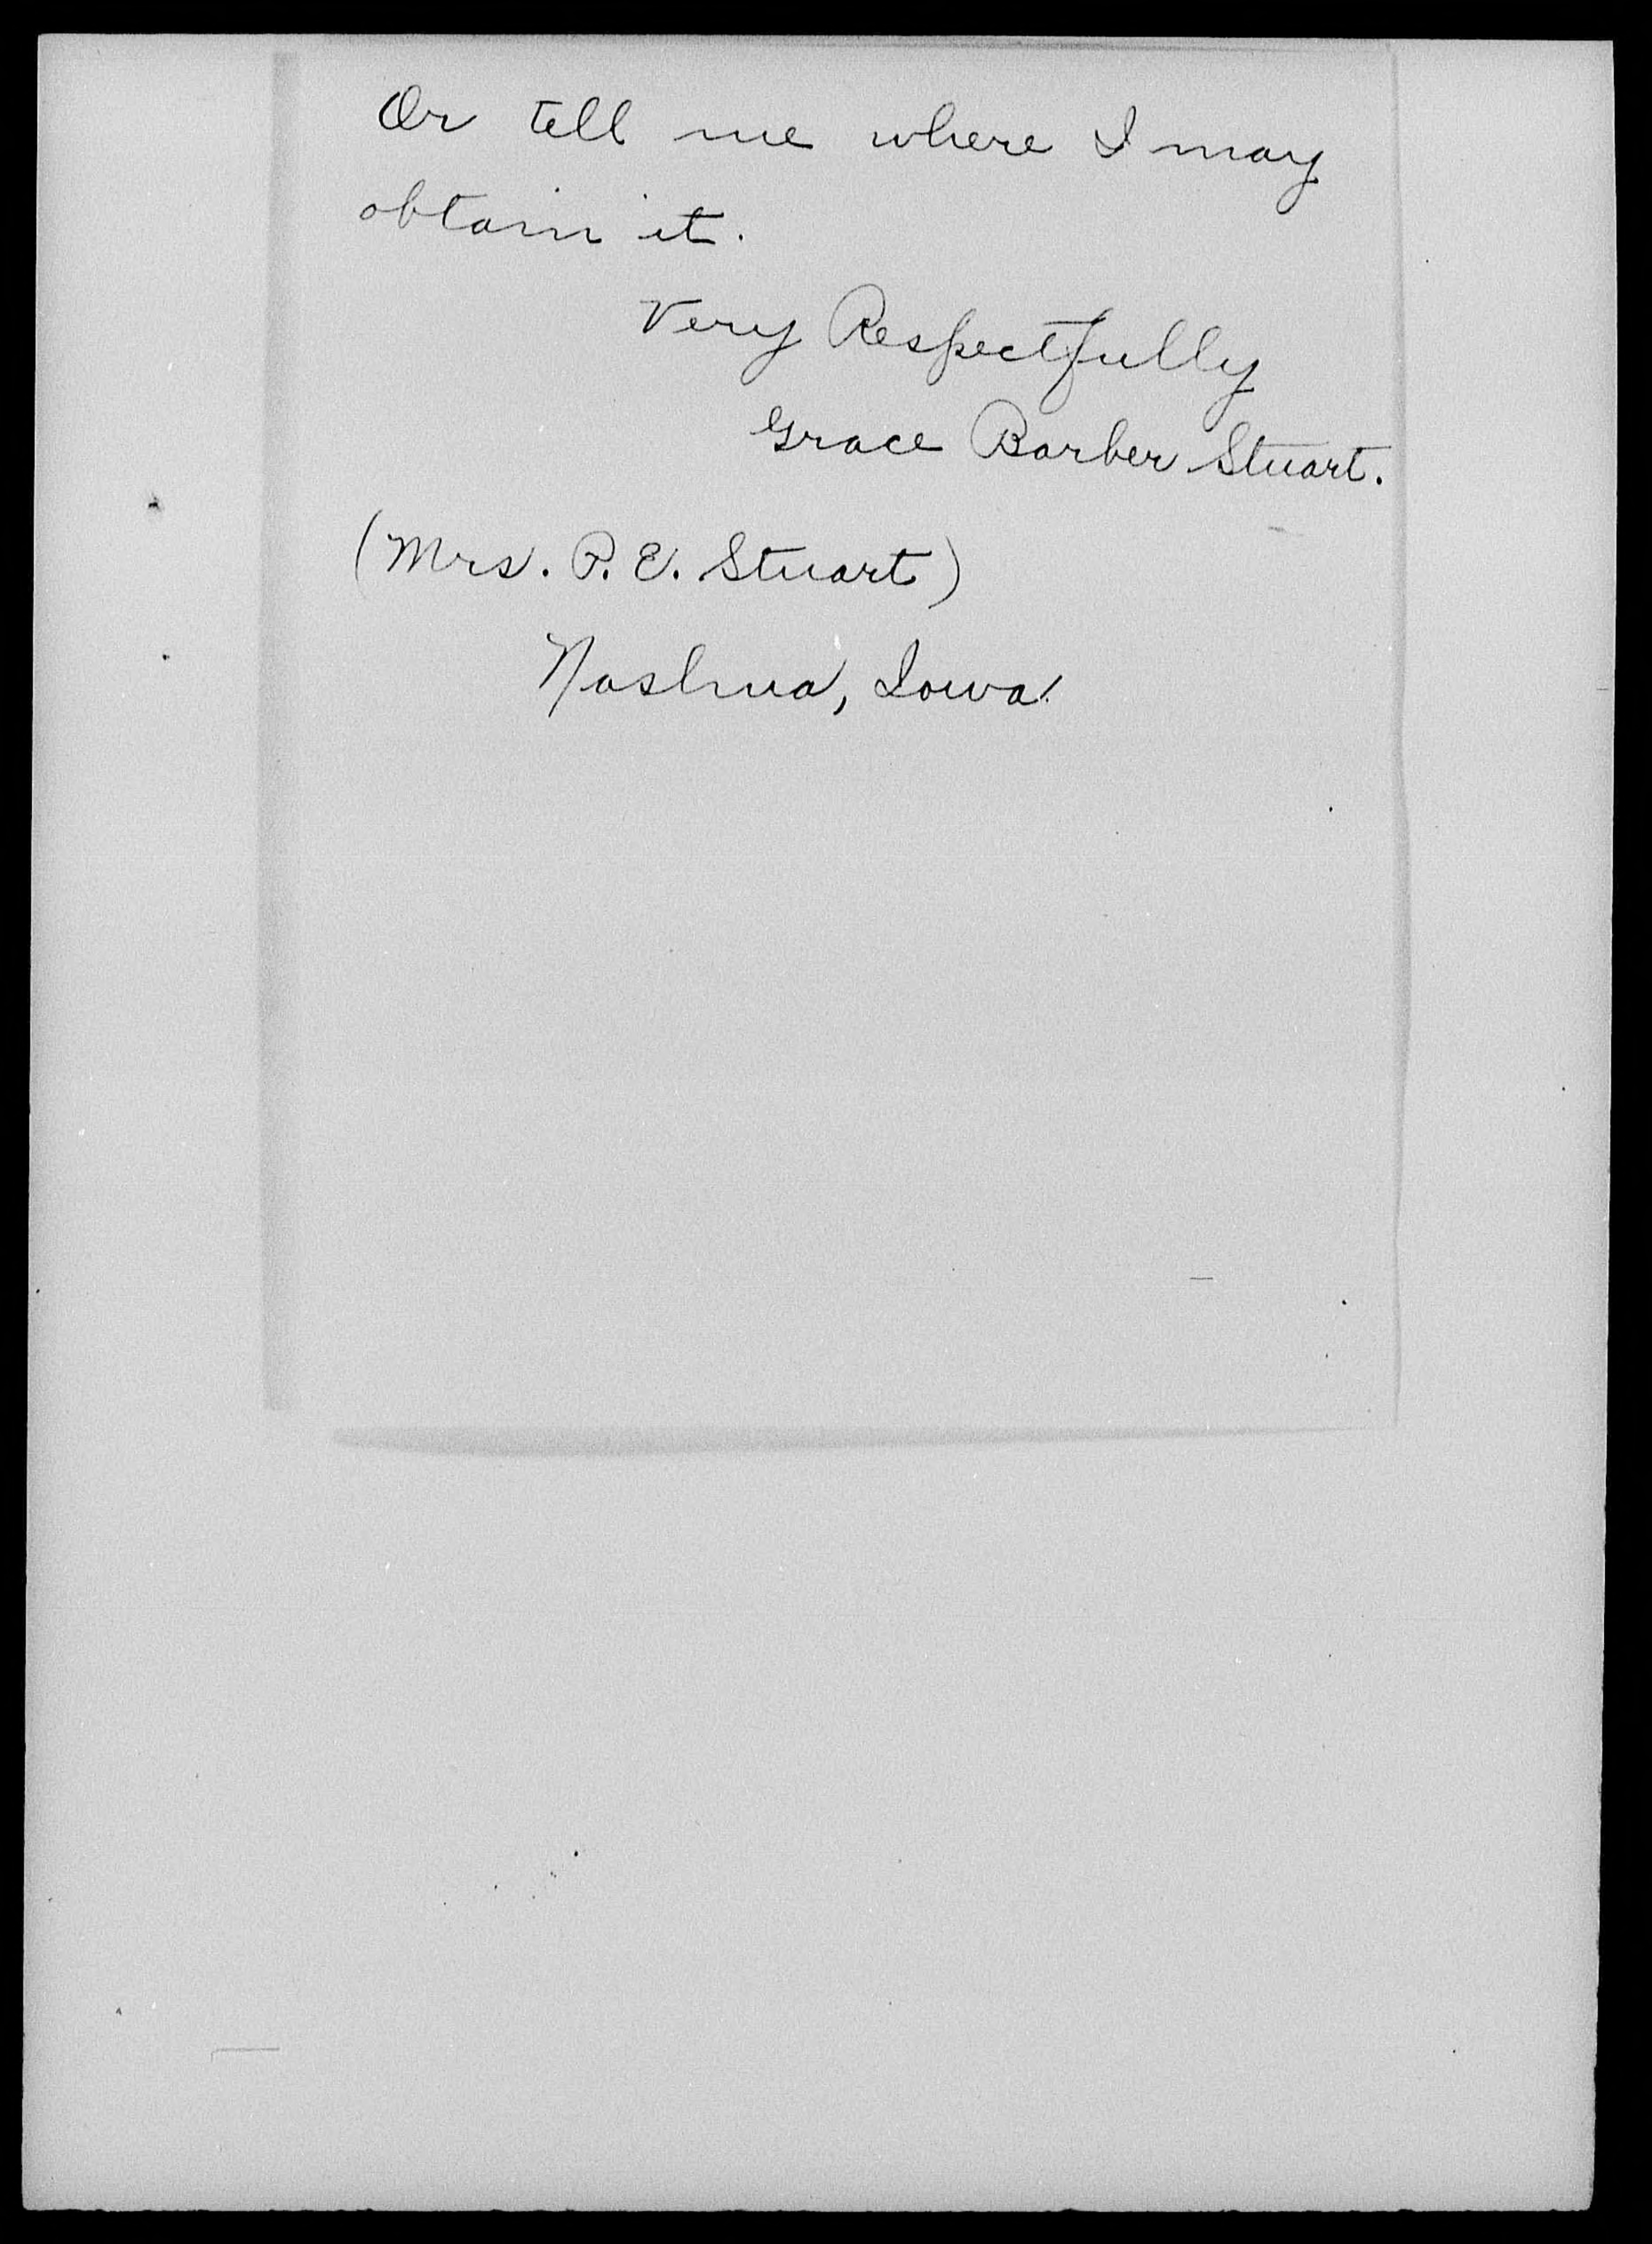[Continuation of handwritten letter]

Or tell me where I may obtain it.

Very Respectfully
Grace Barber Stuart.

(Mrs. P. E. Stuart)
Noshua [or Nashua], Iowa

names: P E Stuart, Grace Barber Stuart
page: 21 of 26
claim: survivor's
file: S. 29797, Seberry Fish, New York